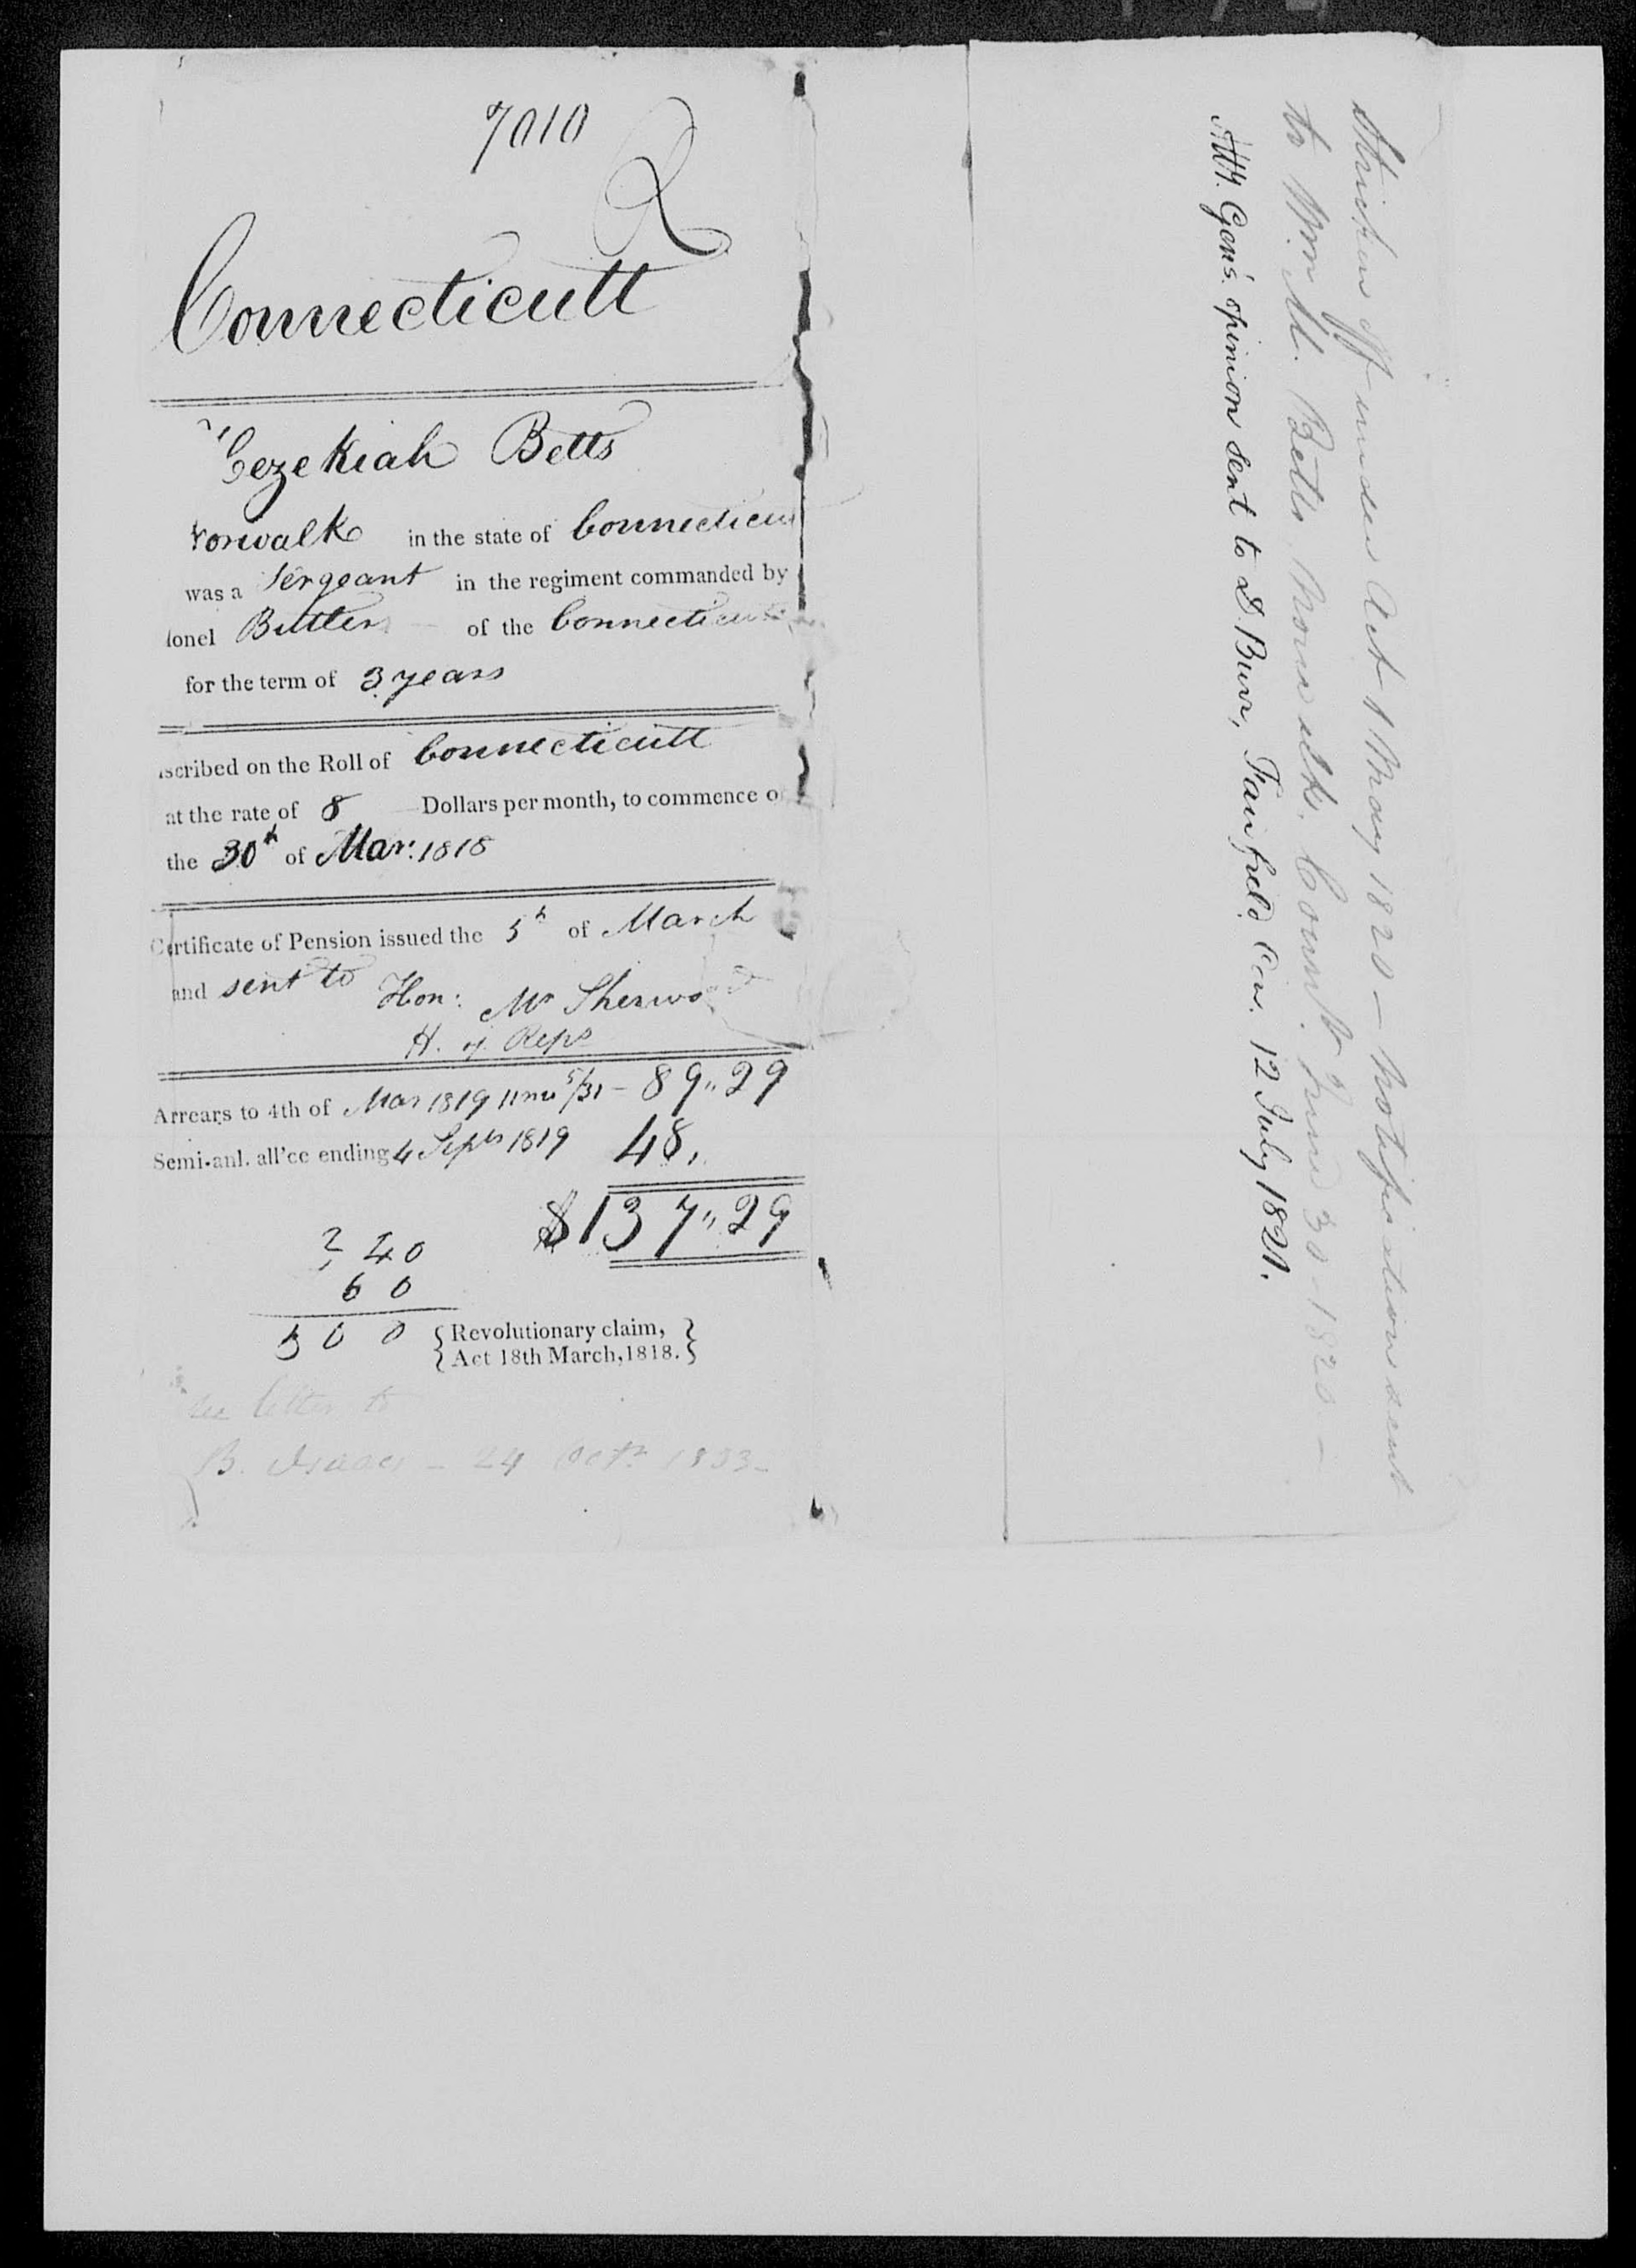7010
Connecticut
Hezekiah Betts
Norwalk in the state of Connecticut
was a sergeant in the regiment commanded by
Colonel Butler of the Connecticut
for the term of 3 years.

Inscribed on the Roll of Connecticut
at the rate of 8 Dollars per month, to commence on the 30th of Mar 1818.

Certificate of Pension issued the 5th of March
and sent to Hon: Mr. Sherwood
H of Reps

Arrears to the 4th of Mar 1819 11 mos 5/31- 89.29
Semi-anl. all'ce ending 4 Sept 1819   48.
                                       ------------------------
                                                  $137.29
240
60
----
300
{Revolutionary claim, Act 18th Marc

Stricken off under act of May 1820- notification sent to Wm. M. Betts Norwalk, Connnt. June 30, 1820
Atty Genls opinion sent to D Burr, Fairfield, Con. 12 July 1821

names: B Isaacs, Hezekiah Betts, Butler, Wm M Betts, D Burr, Sherwood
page: 22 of 61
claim: widow's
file: W. 29,929, Hezekiah Betts, Conn.